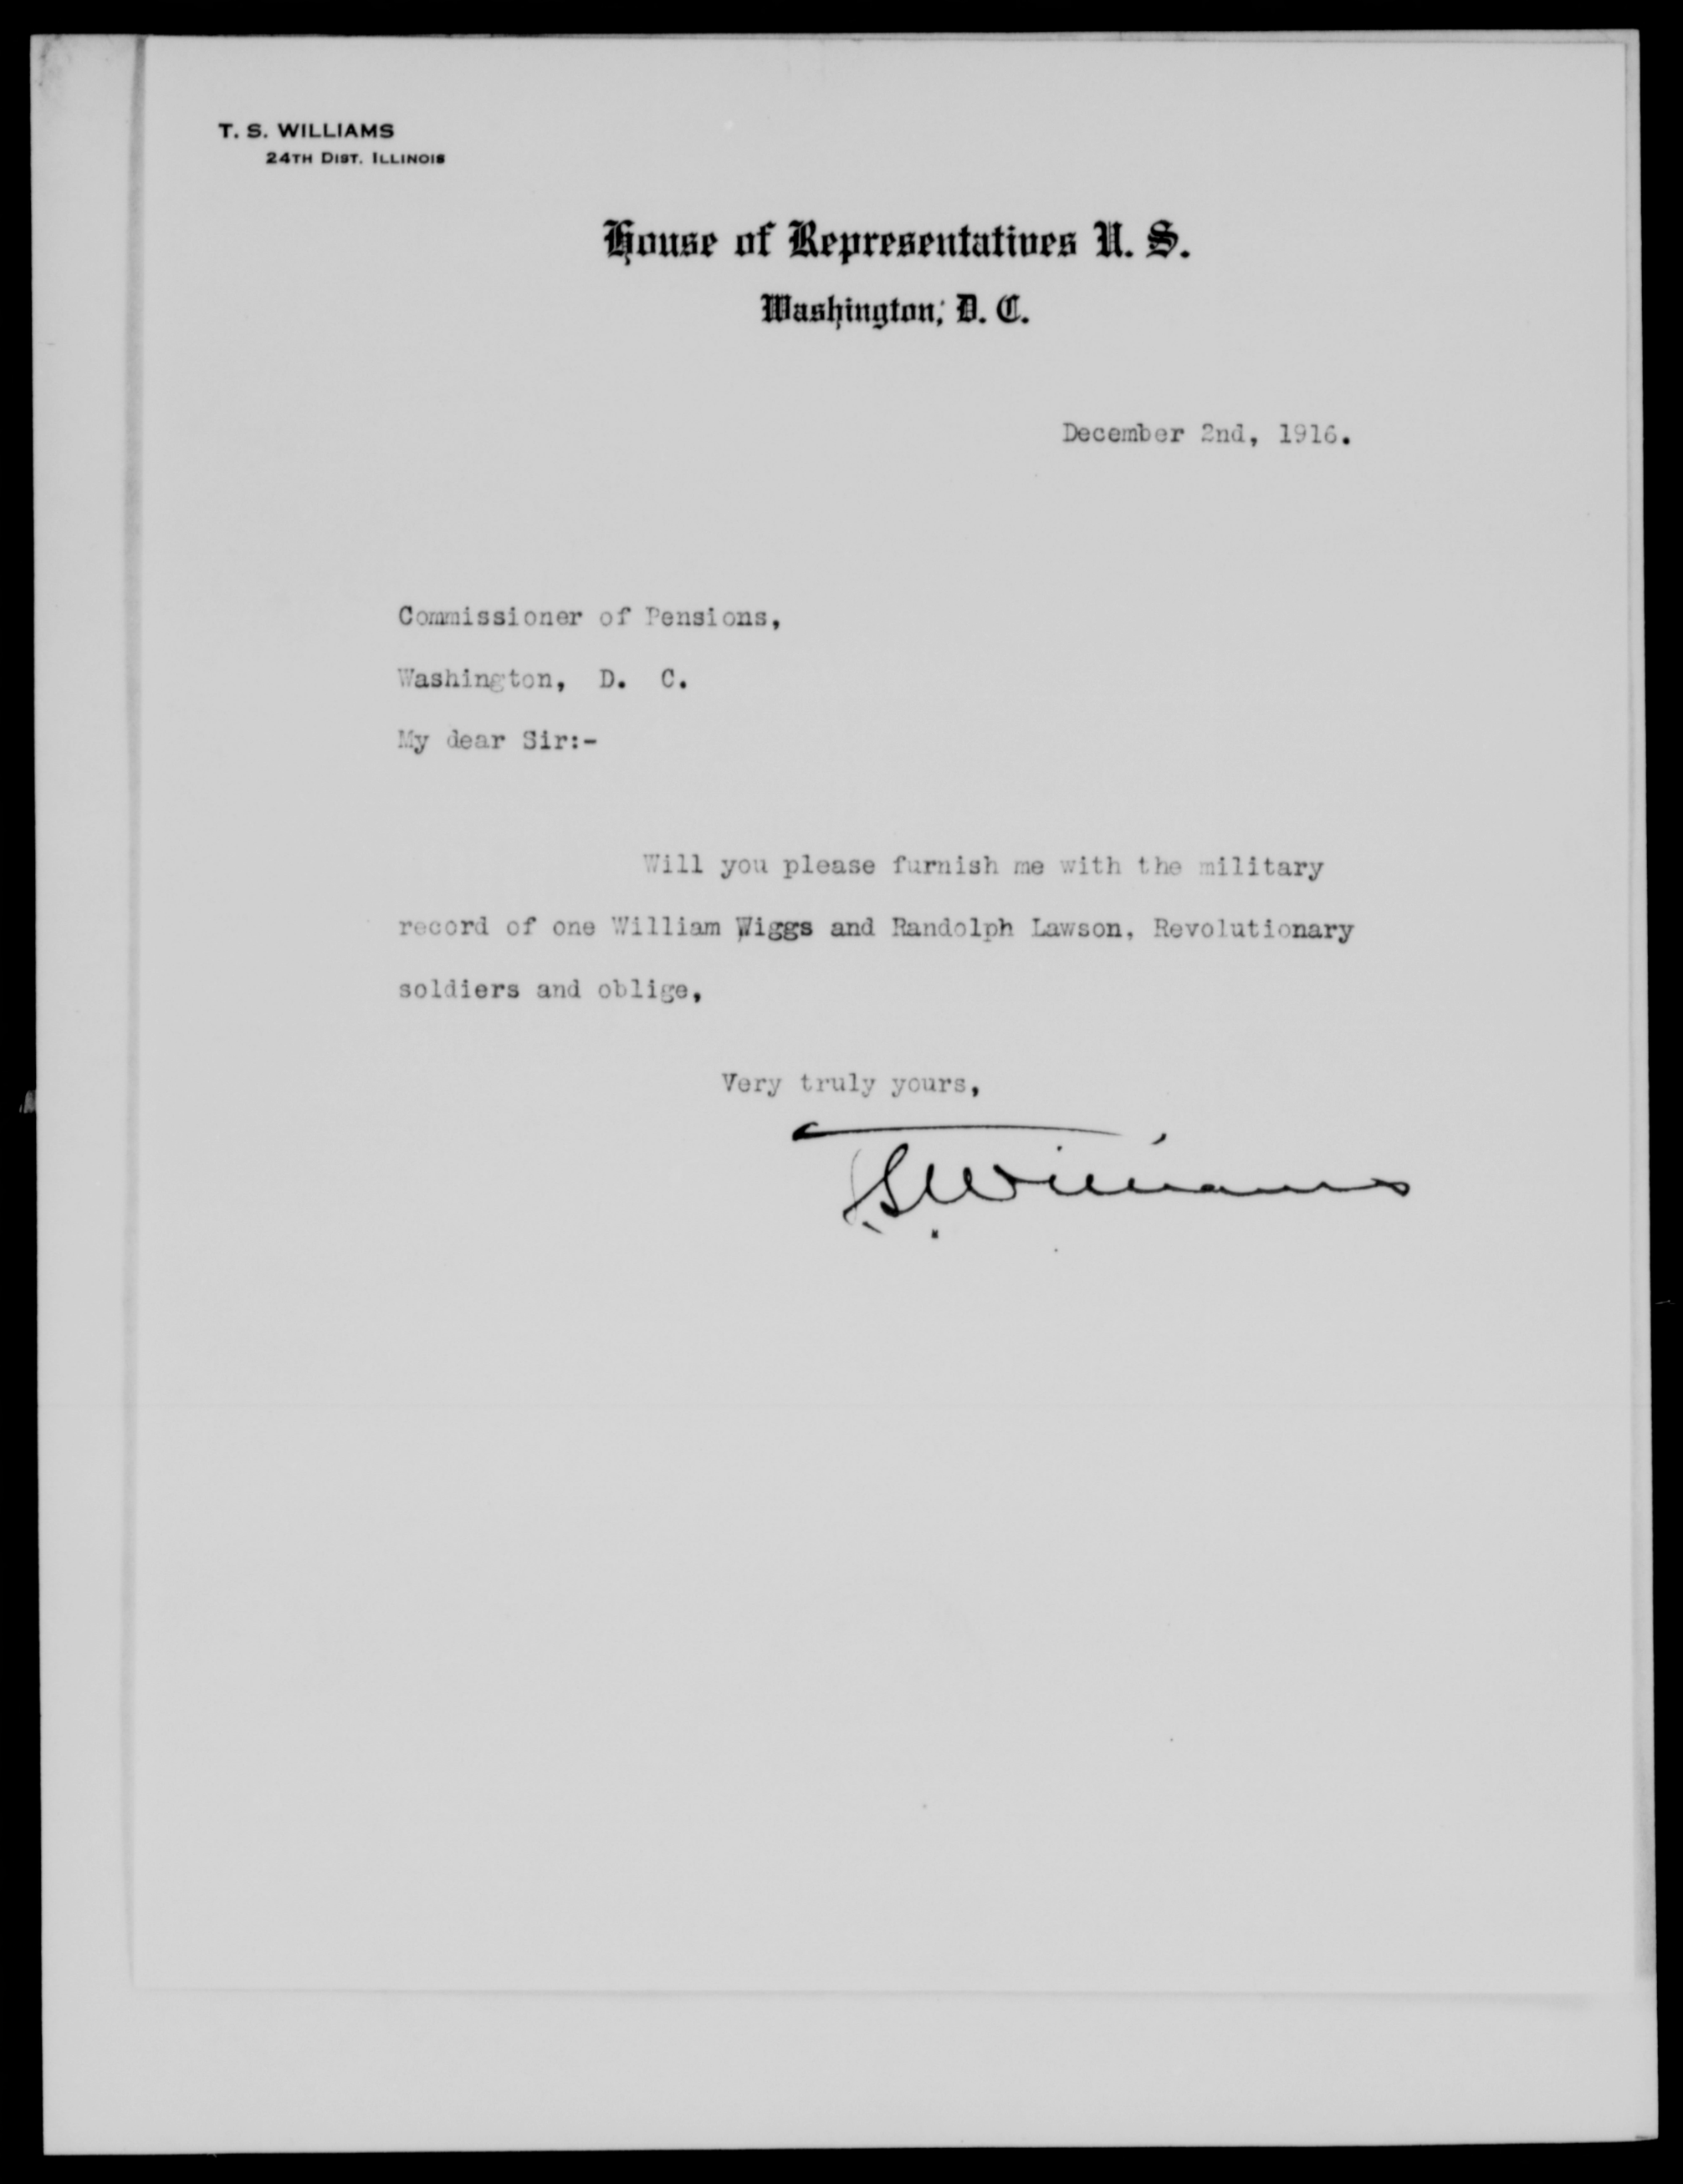T. S. WILLIAMS
24TH DIST. ILLINOIS

House of Representatives U.S.
Washington, D. C.

December 2nd, 1916.

Commissioner of Pensions,
Washington, D. C.

My dear Sir:-
Will you please furnish me with the military record of one William Wiggs and Randolph Lawson, Revolutionary soldiers and oblige,
Very truly yours,
T S Williams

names: William Wiggs, Randolph Lawson, T S Williams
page: 26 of 31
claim: survivor's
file: S. 32608, William Wiggs, N.C.